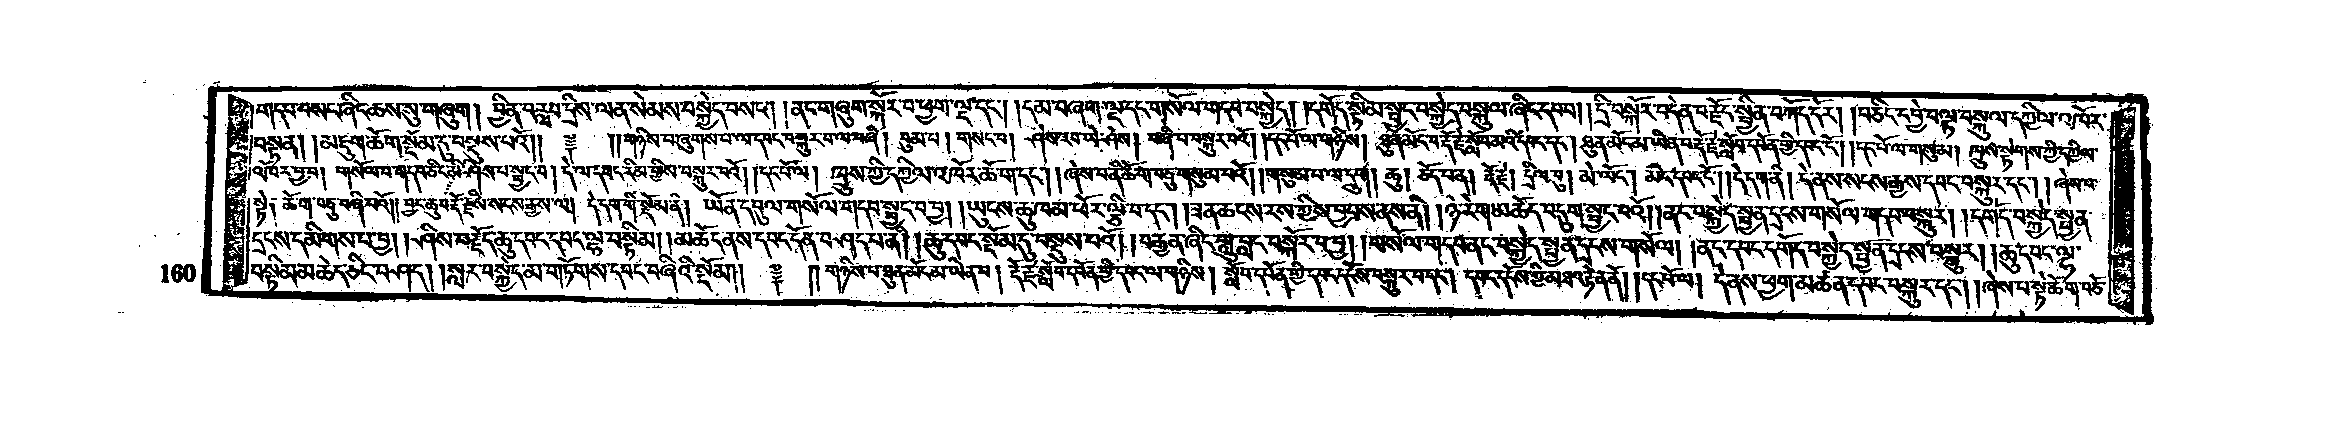གདབ་བསང་ཞིང་ཆས་སུ་གཞུག །བྱིན་བརླབ་དྲིས་ལན་སེམས་བསྐྱེད་བསང་། །ནང་གཞུག་སྐོར་བ་ཕྱག་ལྔ་དང་། །དམ་བཞག་ལྔ་དང་གསོལ་གདབ་བསྐྱེད། །དགོད་སྟིམ་སྦྱང་བསྐྱེད་བསྐུལ་ཞིང་དབབ། །དྲི་བསྐོར་བདེན་བརྗོད་སྦྱིན་བཀོད་དོར། །བཅིང་དབྱེ་བལྟ་བསྐུལ་དཀྱིལ་འཁོར་
བསྟན། །མཇུག་ཆོག་སྡོམ་དུ་བསྡུས་པའོ།། ༈ །།གཉིས་པ་ཞུགས་པ་ལ་དབང་བསྐུར་བ་ལ་བཞི། བུམ་པ། གསང་བ། ཤེས་རབ་ཡེ་ཤེས། བཞི་པ་བསྐུར་བའོ། །དང་པོ་ལ་གཉིས། ཐུན་མོང་བ་རྡོ་རྗེ་སློབ་མའི་དབང་དང་། ཐུན་མོང་མ་ཡིན་པ་རྡོ་རྗེ་སློབ་དཔོན་གྱི་དབང་ངོ། །དང་པོ་ལ་གསུམ། ཁྲུས་སྟེགས་ཀྱི་དཀྱིལ་
འཁོར་བྱ་བ། གསོལ་བ་གདབ་ཅིང་མི་ཤིས་པ་སྦྱང་བ། དེ་ལ་དབང་རིམ་གྱིས་བསྐུར་བའོ། །དང་པོ་ལ། ཁྲུས་ཀྱི་དཀྱིལ་འཁོར་ཆོ་ག་དང་། །ཞེས་པ་ནི་ཆོ་ག་བཅུ་གསུམ་པའོ། །གསུམ་པ་ལ་དྲུག །ཆུ། ཅོད་པ་ན། རྡོ་རྗེ། དྲིལ་བུ། མེ་ལོང་། མིང་དབང་ངོ། །དེ་དག་ནི། དེ་ནས་སངས་རྒྱས་དབང་བསྐུར་དང་། །ཞེས་པ་
སྟེ། ཆོ་ག་བཅུ་བཞི་པའོ། །བྱང་ཆུབ་རྡོ་རྗེས་སངས་རྒྱས་ལ། དེ་དག་གི་སྡོམ་ནི། ཡོན་དབུལ་གསོལ་གདབ་སྦྱང་བ་བྱ། །ཡུངས་ཆུ་ཁམ་ཕོར་ལྕི་བ་དང་། །ཟན་ཆངས་རས་ཀྱིས་བྱབས་ནས་ནི། །ཉེ་རེག་མཆོད་བདུག་སྦྱང་བའོ། །ནང་བསྐྱེད་སྤྱན་དྲངས་གསོལ་གདབ་བསྐུར། །དགོད་བསྐྱེད་སྤྱན་
དྲངས་དམིགས་པ་བྱ། །ཤིས་བརྗོད་ཆུ་དབང་དབང་ལྷ་བསྟིམ། །མཆོད་ནས་དབང་དོན་བཤད་པ་ནི། །ཆུ་དབང་སྡོམ་དུ་བསྡུས་པའོ། །བརྒྱན་ཞིང་གླུ་བླང་བསྐོར་བ་བྱ། །གསོལ་གདབ་ནང་བསྐྱེད་སྤྱན་དྲངས་གསོལ། །ནང་དབང་དགོད་བསྐྱེད་སྤྱན་དྲངས་བསྐུར། །ཆུ་དབང་ལྷ་
བསྟིམ་མཆེད་ཅིང་བཤད། །སླར་བསྐྱེད་མ་གཏོགས་དབང་བཞིའི་སྡོམ།། ༈ །།གཉིས་པ་ཐུན་མོང་མ་ཡིན་པ། རྡོ་རྗེ་སློབ་དཔོན་གྱི་དབང་ལ་གཉིས། སློབ་དཔོན་གྱི་དབང་དངོས་བསྐུར་བ་དང་། དབང་དངོས་ཀྱི་མཐའ་རྟེན་ནོ། །དང་པོ་ལ།  དེ་ནས་ཕྱག་མཚན་དབང་བསྐུར་དང་། །ཞེས་པ་སྟེ་ཆོ་ག་བཅོ་